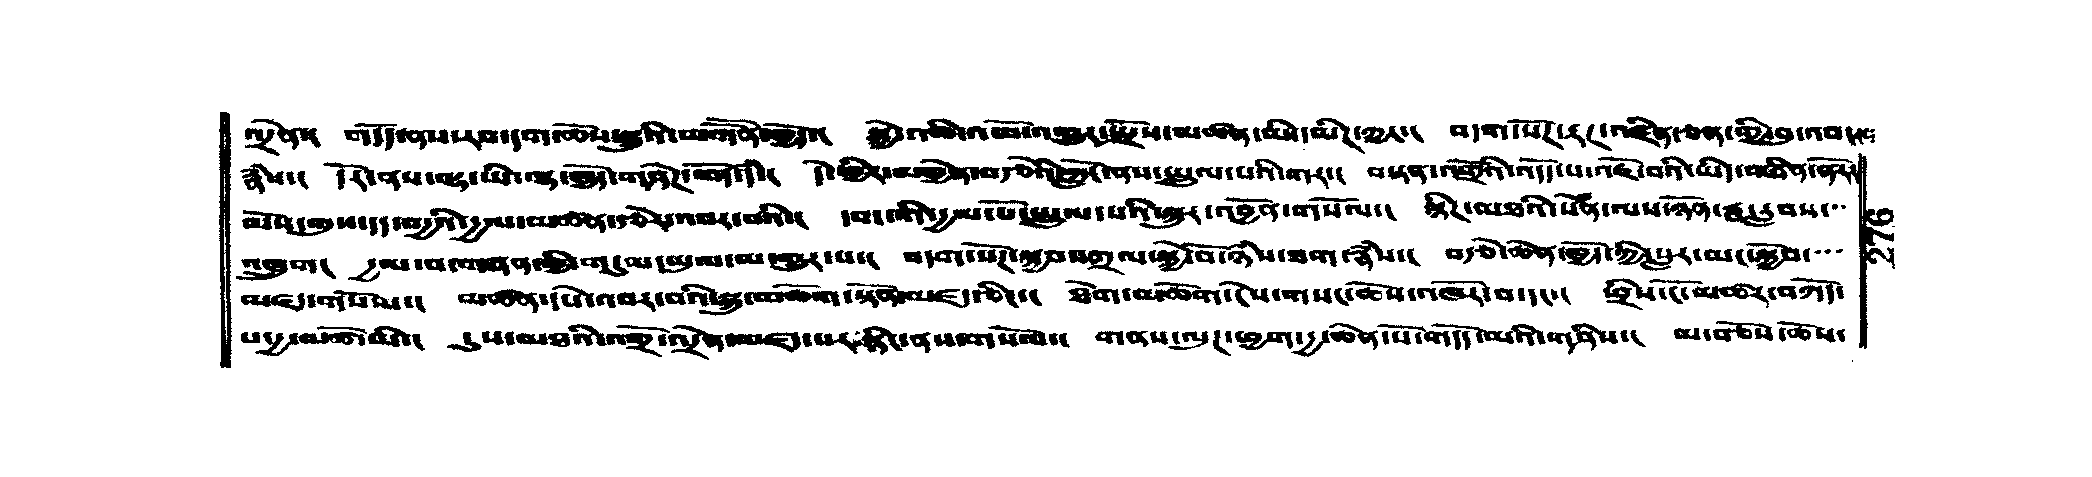འདྲེན། །གདོད་ནས་རབ་དག་ཆོས་སྐུའི་མགོན་པོ་ཁྱོད། །སྐྱེ་འཆི་འཕོ་འགྱུར་སྤྲོས་མཚན་མི་དམིགས་ཀྱང་། །བདག་སོགས་རྟག་འཛིན་ཅན་གི་བུ་འབང་
རྣམས། །དོར་ནས་ལྷ་ཡི་ལྷ་ཁྱོད་གཤེགས་ཕོད་དམ། །དེ་ཕྱིར་མཁྱེན་བརྩེའི་ཀློང་ནས་སྤྲུལ་པའི་གར། །བསྟན་འགྲོའི་འདོད་པ་འཇོ་བའི་ཡིད་བཞིན་ནོར། །
མོས་གུས་དད་བརྒྱའི་རྒྱལ་མཚན་རྩེར་འབར་བའི། །དབང་གི་རྒྱལ་པོ་སྤྲུལ་པའི་སྐུར་འབྱོན་གསོལ། །སྙིགས་མཐའི་སེམས་ཅན་ལས་ཉོན་རྦ་རླབས་
འཁྲུག།རྒྱལ་བ་གཞན་གྱི་གདུལ་ཡུལ་མ་གྱུར་པ། །བདག་སོགས་སྐྱབས་བྲལ་སྐྱེ་བོ་ཉམ་ཐག་རྣམས། །བརྩེ་ཆེན་ཁྱེད་ཀྱི་སླར་ཡང་སྐྱོབ་
མཛད་གསོལ། །མཚན་དཔེ་འབར་བའི་སྐུ་མཆོག་སྟོན་མཛད་ཅིང་། །ཐེག་མཆོག་ངེས་གསང་ཆོས་འཁོར་བསྐོར་བ་དང་། །ཕྲིན་ལས་ངོ་མཚར་བཀོད་
པ་རྒྱ་མཚོ་ཡི། །དུས་མཐའི་འགྲོ་འདྲེན་མཛད་པར་སྙིང་ནས་གསོལ། །གནས་ལུགས་ཕྱག་རྒྱ་ཆེན་པོ་གདོད་མའི་གཤིས། །མ་བཅོས་ཆོས་